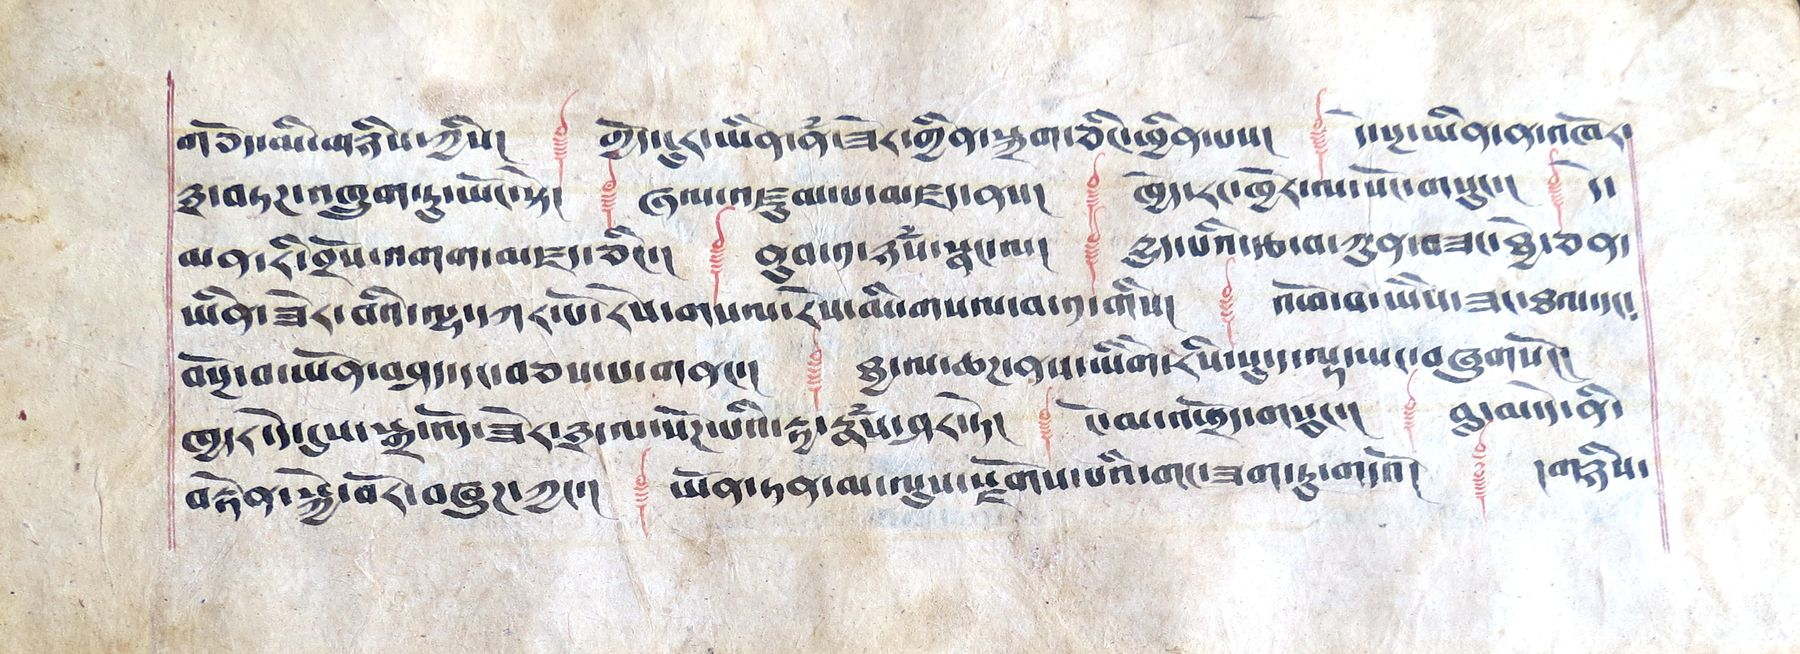གཅོད་མི་གཉིས་ཀྱིས། གྱོད་ངུ་ཡིན་ནམ་ཟེར་གྱིན་སྐྲག་ཅིང་ཕྱིན་པས། དེ་སྔ་ཡིན་ན་འཁོར་
གསུམ་བཏགས་འཁྲུགས་ཏུ་འོང་སྟེ། ཞལ་འཛུམ་པར་མཛད་ནས། ཁྱེད་རང་ཁྱེར་ལ་སོང་གསུངས། དེ་
མན་རི་བྲོས་འགའ་མཛད་ཅིང་། ནུབ་ཅིག་ཉམས་སྣང་ལ་བརྒྱུད་པའི་རྩ་བ་ཀུན་བཟང་ཐུགས་རྗེ་ཅན་
ཡིན་ཟེར་བའི། ལྷ་དཀར་པོ་གཅིག་རེས་གསལ་རེས་མི་གསལ་བ་ཞིག་གིས། འཕོ་བ་ཡེ་ཤེས་ཟང་ཐལ་དང་། 
བསྔོ་བ་ཡོན་བཤད་དང་བཅས་པ་གནང་། ཐུགས་ལ་ཆགས་ནས་ཡི་གེ་རིས་སུ་ད་ལྟ་ཡང་བཞུགས་སོ། ། 
ཁྱད་པར་དེ་དུས་སྒྲ་འོད་ཟེར་གསུམ་ལས་སོགས་པའི་རྟགས་རྣམས་ཤར་ཏེ། ངོ་འཕྲོད་གསུངས། བླ་མ་དེ་ནི་
བརྟེན་སྐྱེ་བོར་བཞུགས་ཀྱང་། ཡོན་ཏན་མ་ལུས་རྫོགས་པའི་གང་ཟག་ཏུ་གདའ་འོ། ། གཉིས་